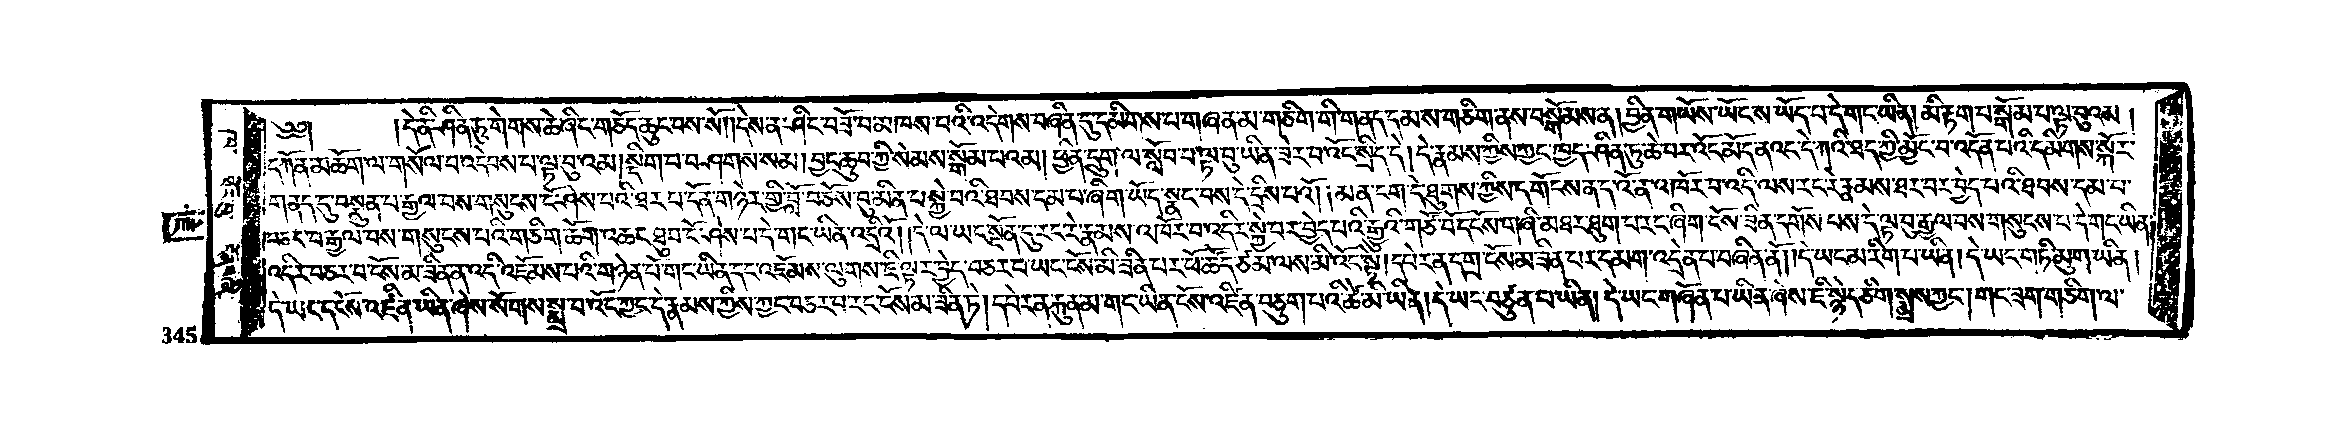༄༅། །དེ་ནི་ཤིན་ཏུ་གེགས་ཆེ་ཞིང་གཅོད་ཆུང་བས་སོ། །དེས་ན་ཤིང་བཟོ་བ་མཁས་པའི་འདེགས་བཞིན་དུ་དམིགས་པ་གཞན་མ་གཅིག་གི་གནད་དམ་ས་གཅིག་ནས་བསྒོམས་ན། བྱིན་གཡོས་ཡོང་ས་ཡོད་པ་དེ་གང་ཡིན། མི་རྟག་པ་སྒོམ་པ་ལྟ་བུའམ།
དཀོན་མཆོག་ལ་གསོལ་བ་འདེབས་པ་ལྟ་བུ་འམ། སྡིག་པ་བཤགས་སམ། བྱང་ཆུབ་ཀྱི་སེམས་སྒོམ་པའམ། ཕྱིན་དྲུག་ལ་སློབ་པ་ལྟ་བུ་ཡིན་ཟེར་བ་འོང་སྲིད་དེ། དེ་རྣམས་ཀྱིས་ཀྱང་ཁྱད་ཤིན་ཏུ་ཆེ་བར་འོང་མོད་ནའང་དེ་ཀའི་ཐད་ཀྱི་མྱོང་བ་འདོན་པའི་དམིགས་སྐོར་
གནད་དུ་བསྣུན་པ་རྒྱལ་བས་གསུངས་ངོ་ཤེས་པའི་ཐར་པ་དོན་གཉེར་གྱི་བློ་བཅོས་བུ་མིན་བ་སྐྱེ་བའི་ཐབས་དམ་པ་ཞིག་ཡོད་སྣང་བས་དེ་དྲིས་པའོ། །མན་ངག་དེ་ཐུགས་ཀྱིས་དགོངས་ན་ད་འོ་ན་འཁོར་བ་འདི་ལས་རང་རེ་རྣམས་ཐར་བར་བྱེད་པའི་ཐབས་དམ་པ་
བཅར་བ་རྒྱལ་བས་གསུངས་པའི་གཅིག་ཆོག་འཆང་ཐུབ་ངོ་ཤེས་པ་དེ་གང་ཡིན་འདྲིའོ། །དེ་ལ་ཡང་སྔོན་དུ་རང་རེ་རྣམས་འཁོར་བ་འདིར་སྐྱེ་བར་བྱེད་པའི་རྒྱུའི་གཙོ་བོ་དངོས་གཞི་མཐར་ཐུག་པ་རང་ཞིག་ངོས་ཟིན་དགོས་པས་དེ་ལྟ་བུ་རྒྱལ་བས་གསུངས་པ་དེ་གང་ཡིན་
འདིར་བཅར་བ་ངོས་མ་ཟིན་ན་འདི་འཇོམས་པའི་གཉེན་པོ་གང་ཡིན་དང་འཇོམས་ལུགས་ཇི་ལྟར་བྱེད་བཅར་བ་ཡང་ངོས་མི་ཟིན་པར་ཕོ་ཚོད་ཙམ་ལས་མི་འོང་སྟེ། དཔེར་ན་དགྲ་ངོས་མ་ཟིན་པར་དམག་འདྲེན་པ་བཞིན་ནོ། །དེ་ཡང་མ་རིག་པ་ཡིན། དེ་ཡང་གཏི་མུག་ཡིན།
དེ་ཡང་དངོས་འཛིན་ཡིན་ཞེས་སོགས་སྨྲ་བ་འོང་ཀྱང་དེ་རྣམས་ཀྱིས་ཀྱང་བཅར་བ་རང་ངོས་མ་ཟིན་ཏེ། དཔེར་ན་རྐུན་མ་གང་ཡིན་ངོས་འཛིན་བཅུག་པའི་ཚེ་མི་ཡིན། དེ་ཡང་བཙུན་པ་ཡིན། དེ་ཡང་གཞོན་པ་ཡིན་ཞེས་ཇི་སྙེད་ཅིག་སྨྲས་ཀྱང་། གང་ཟག་གཅིག་ལ་